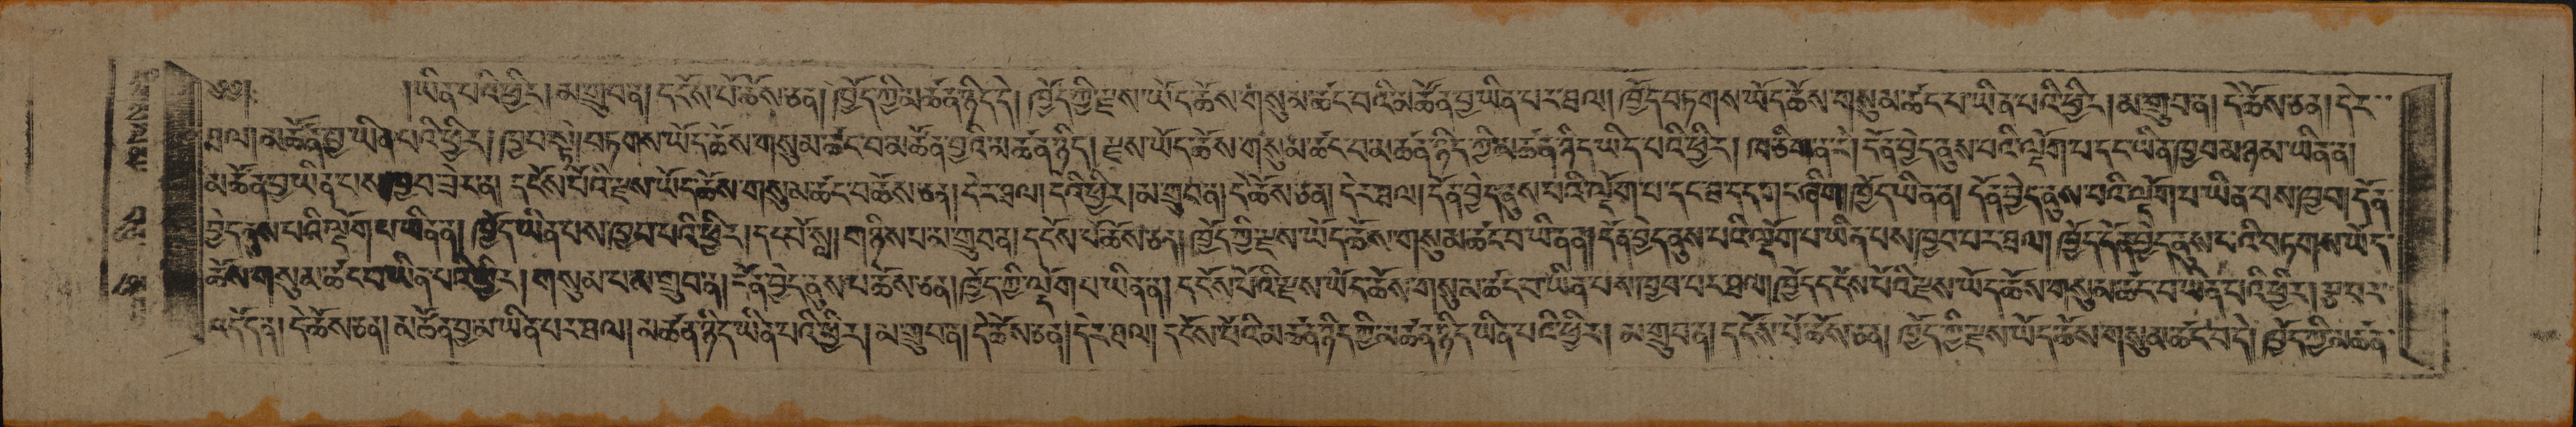༄༅། །ཡིན་པའི་ཕྱིར། མ་གྲུབ་ན། དངོས་པོ་ཆོས་ཅན། ཁྱོད་ཀྱི་མཚན་ཉིད་དེ། ཁྱོད་ཀྱི་རྫས་ཡོད་ཆོས་གསུམ་ཚང་བའི་མཚོན་བྱ་ཡིན་པར་ཐལ། ཁྱོད་བཏགས་ཡོད་ཆོས་གསུམ་ཚང་བ་ཡིན་པའི་ཕྱིར། མ་གྲུབ་ན། དེ་ཆོས་ཅན། དེར་
ཐལ༑ མཚོན་བྱ་ཡིན་པའི་ཕྱིར། ཁྱབ་སྟེ། བཏགས་ཡོད་ཆོས་གསུམ་ཚང་བ་མཚོན་བྱའི་མཚན་ཉིད། རྫས་ཡོད་ཆོས་གསུམ་ཚང་བ་མཚན་ཉིད་ཀྱི་མཚན་ཉིད་ཡིན་པའི་ཕྱིར། ཁ་ཅིག་ན་རེ། དོན་བྱེད་ནུས་པའི་ལྡོག་པ་དང་ཡིན་ཁྱབ་མཉམ་ཡིན་ན།
མཚོན་བྱ་ཡིན་པས་ཁྱབ་ཟེར་ན། དངོས་པོའི་རྫས་ཡོད་ཆོས་གསུམ་ཚང་བ་ཆོས་ཅན། དེར་ཐལ། དེའི་ཕྱིར། མ་གྲུབ་ན། དེ་ཆོས་ཅན། དེར་ཐལ། དོན་བྱེད་ནུས་པའི་ལྡོག་པ་དང་ཐ་དད་གང་ཞིག །ཁྱོད་ཡིན་ན། དོན་བྱེད་ནུས་པའི་ལྡོག་པ་ཡིན་པས་ཁྱབ། དོན་
བྱེད་ནུས་པའི་ལྡོག་པ་ཡིན་ན། ཁྱོད་ཡིན་པས་ཁྱབ་པའི་ཕྱིར། དང་པོ་སླ། གཉིས་པ་མ་གྲུབ་ན། དངོས་པོ་ཆོས་ཅན། ཁྱོད་ཀྱི་རྫས་ཡོད་ཆོས་གསུམ་ཚང་བ་ཡིན་ན། དོན་བྱེད་ནུས་པའི་ལྡོག་པ་ཡིན་པས་ཁྱབ་པར་ཐལ། ཁྱོད་དོན་བྱེད་ནུས་པའི་བཏགས་ཡོད་
ཆོས་གསུམ་ཚང་བ་ཡིན་པའི་ཕྱིར། གསུམ་པ་མ་གྲུབ་ན། དོན་བྱེད་ནུས་པ་ཆོས་ཅན། ཁྱོད་ཀྱི་ལྡོག་པ་ཡིན་ན། དངོས་པོའི་རྫས་ཡོད་ཆོས་གསུམ་ཚང་བ་ཡིན་པས་ཁྱབ་པར་ཐལ། ཁྱོད་དངོས་པོའི་རྫས་ཡོད་ཆོས་གསུམ་ཚང་བ་ཡིན་པའི་ཕྱིར། རྩ་བར་
འདོད་ན། དེ་ཆོས་ཅན། མཚོན་བྱ་མ་ཡིན་པར་ཐལ། མཚན་ཉིད་ཡིན་པའི་ཕྱིར། མ་གྲུབ་ན། དེ་ཆོས་ཅན། དེར་ཐལ། དངོས་པོའི་མཚན་ཉིད་ཀྱི་མཚན་ཉིད་ཡིན་པའི་ཕྱིར། མ་གྲུབ་ན། དངོས་པོ་ཆོས་ཅན། ཁྱོད་ཀྱི་རྫས་ཡོད་ཆོས་གསུམ་ཚང་བ་དེ། ཁྱོད་ཀྱི་མཚན་